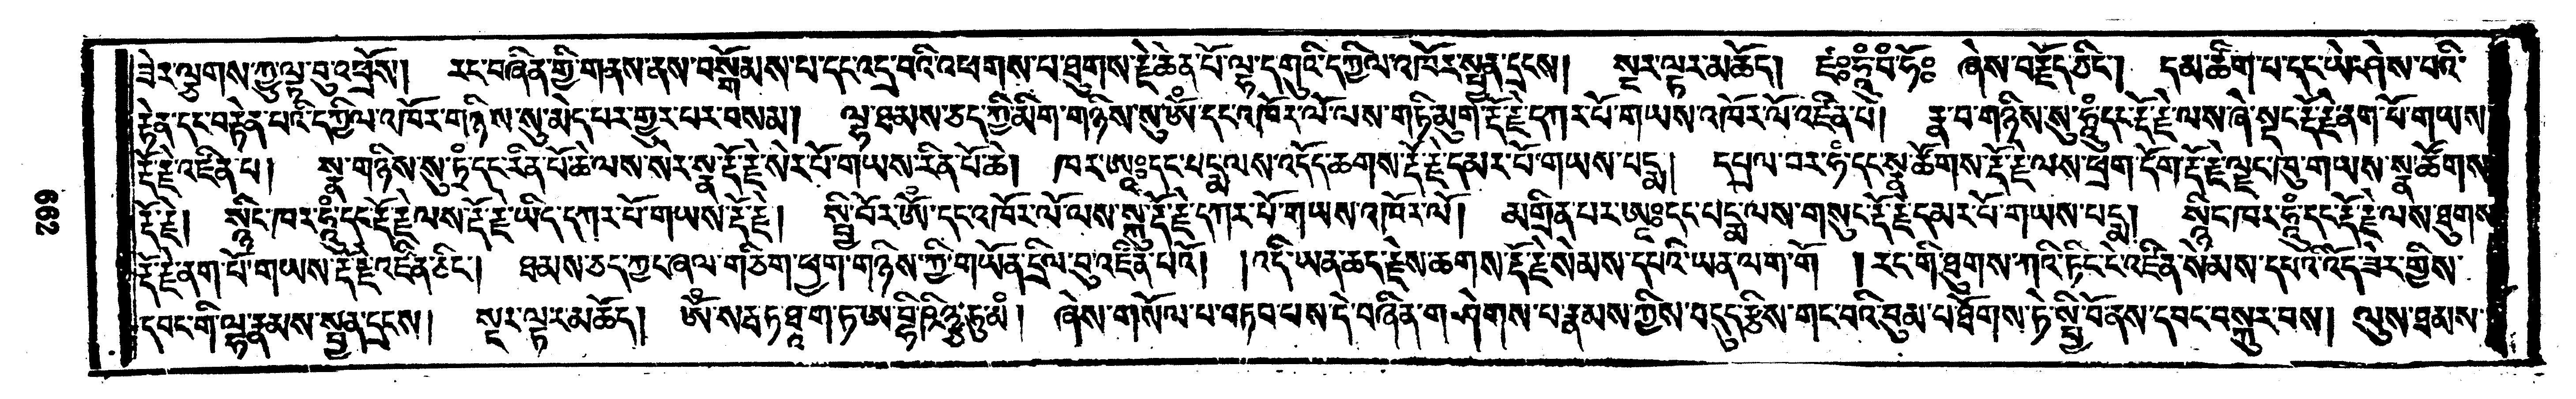ཟེར་ལྕགས་ཀྱུ་ལྟ་བུ་འཕྲོས། རང་བཞིན་གྱི་གནས་ནས་བསྒོམས་པ་དང་འདྲ་བའི་འཕགས་པ་ཐུགས་རྗེ་ཆེན་པོ་ལྷ་དགུའི་དཀྱིལ་འཁོར་སྤྱན་དྲངས། སྔར་ལྟར་མཆོད། ཛཿཧཱུཾ་བཾ་ཧོཿ ཞེས་བརྗོད་ཅིང་། དམ་ཚིག་པ་དང་ཡེ་ཤེས་པའི་
རྟེན་དང་བརྟེན་པའི་དཀྱིལ་འཁོར་གཉིས་སུ་མེད་པར་གྱུར་པར་བསམ། ལྷ་ཐམས་ཅད་ཀྱི་མིག་གཉིས་སུ་ཨོཾ་དང་འཁོར་ལོ་ལས་གཏི་མུག་རྡོ་རྗེ་དཀར་པོ་གཡས་འཁོར་ལོ་འཛིན་པ། རྣ་བ་གཉིས་སུ་ཧཱུཾ་དང་རྡོ་རྗེ་ལས་ཞེ་སྡང་རྡོ་རྗེ་ནག་པོ་གཡས་
རྡོ་རྗེ་འཛིན་པ། སྣ་གཉིས་སུ་ཏྲཾ་དང་རིན་པོ་ཆེ་ལས་སེར་སྣ་རྡོ་རྗེ་སེར་པོ་གཡས་རིན་པོ་ཆེ། ཁར་ཨཱཿ དང་པདམ་ལས་འདོད་ཆགས་རྡོ་རྗེ་དམར་པོ་གཡས་པདམ། དཔྲལ་བར་ཧཾ་དང་སྣ་ཚོགས་རྡོ་རྗེ་ལས་ཕྲག་དོག་རྡོ་རྗེ་ལྗང་ཁུ་གཡས་སྣ་ཚོགས་
རྡོ་རྗེ། སྙིང་ཁར་ཧཱུཾ་དང་རྡོ་རྗེ་ལས་རྡོ་རྗེ་ཡིད་དཀར་པོ་གཡས་རྡོ་རྗེ། སྤྱི་བོར་ཨོཾ་དང་འཁོར་ལོ་ལས་སྐུ་རྡོ་རྗེ་དཀར་པོ་གཡས་འཁོར་ལོ། མགྲིན་པར་ཨཱཿ དང་པདམ་ལས་གསུང་རྡོ་རྗེ་དམར་པོ་གཡས་པདམ། སྙིང་ཁར་ཧཱུཾ་དང་རྡོ་རྗེ་ལས་ཐུགས་
རྡོ་རྗེ་ནག་པོ་གཡས་རྡོ་རྗེ་འཛིན་ཅིང་། ཐམས་ཅད་ཀྱང་ཞལ་གཅིག་ཕྱག་གཉིས་ཀྱི་གཡོན་དྲིལ་བུ་འཛིན་པའོ། །འདི་ཡན་ཆད་རྗེས་ཆགས་རྡོ་རྗེ་སེམས་དཔའི་ཡན་ལག་གོ། །རང་གི་ཐུགས་ཀའི་ཏིང་ངེ་འཛིན་སེམས་དཔའི་འོད་ཟེར་གྱིས་
དབང་གི་ལྷ་རྣམས་སྦྱན་དྲངས། སྔར་ལྟར་མཆོད། ཨོཾ་སརྦ་ཏ་ཐཱ་ག་ཏ་ཨ་བྷི་ཥིཉྩ་ཏུ་མཾ། ཞེས་གསོལ་པ་བཏབ་པས་དེ་བཞིན་གཤེགས་པ་རྣམས་ཀྱིས་བདུད་རྩིས་གང་བའི་བུམ་པ་ཐོགས་ཏེ་སྤྱི་བོ་ནས་དབང་བསྐུར་བས། ལུས་ཐམས་